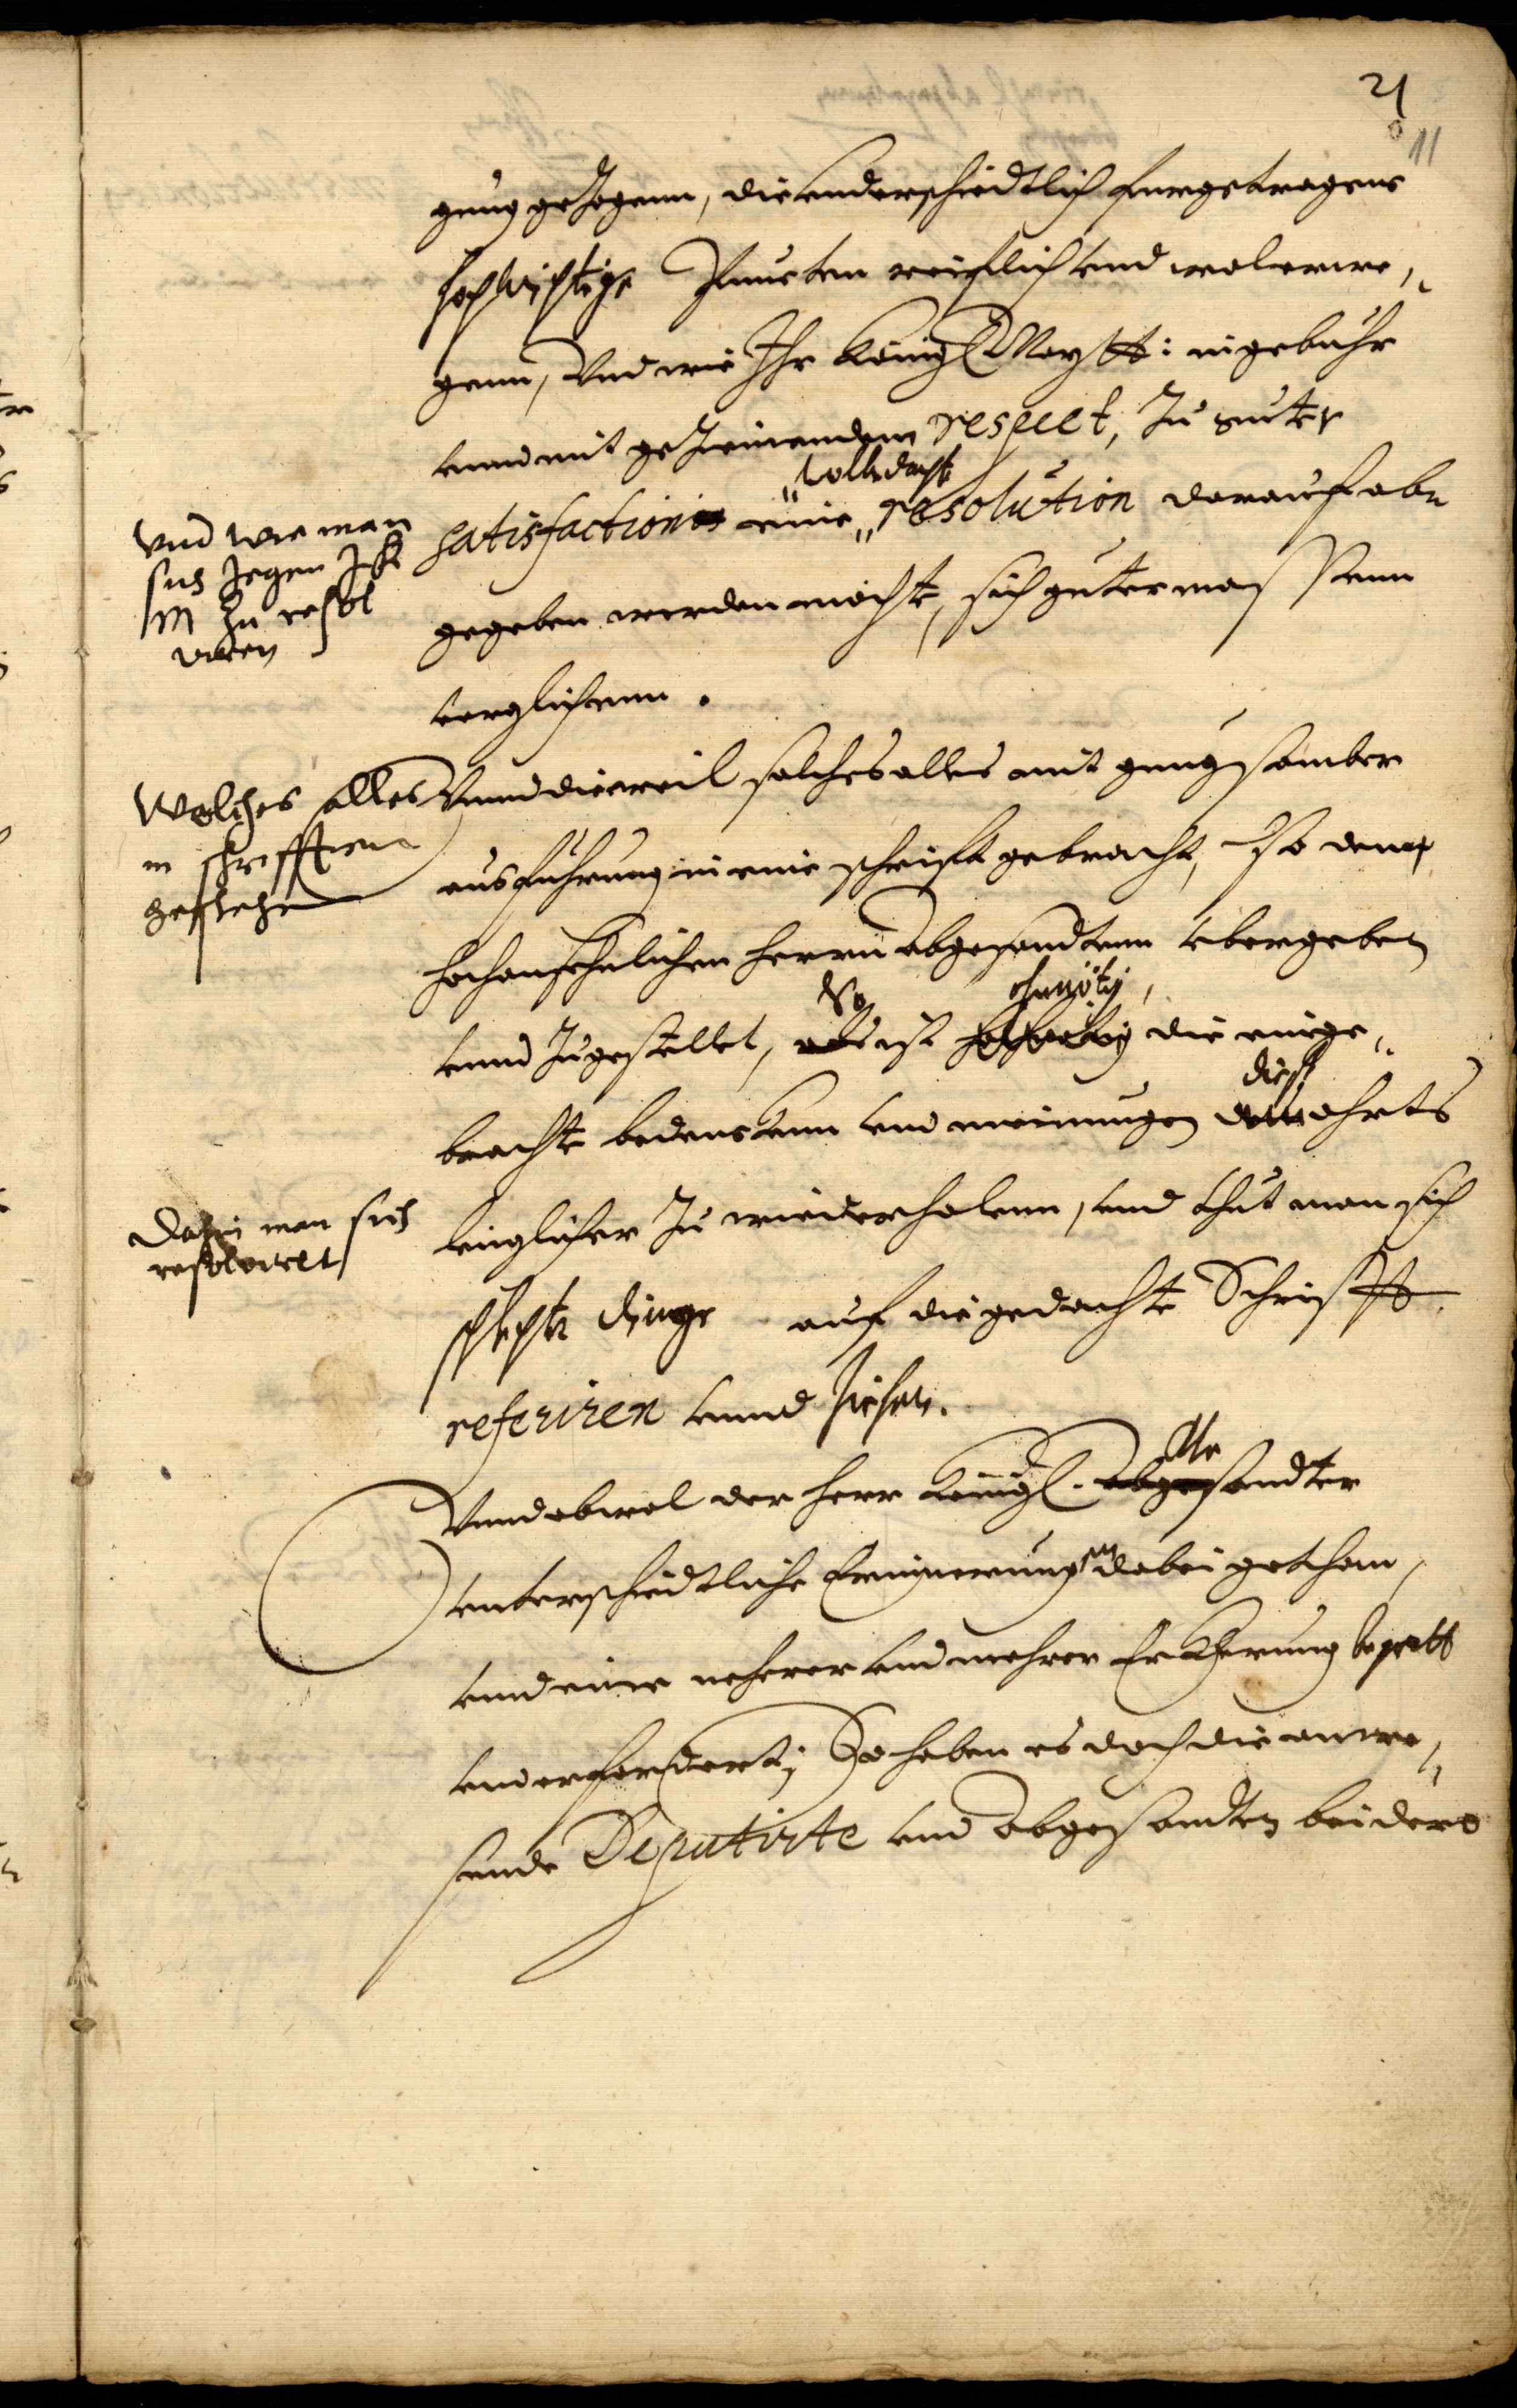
21
gnug gezogenn, die vnderschiedtlich furgetragene
hochwichtige Puncten reiflich vnd wolerwe¬
genn, Vnd wie Ihr Königl Maytt: in gebuhr
vnnd mit geziemendem respect, zu guter
" wolbedachte
satisfactionis eine " resolution darauf ab¬
gegeben werden möchte, sich guter massenn
verglichenn.
vnd wie man
sich gegen I F
M zu resol
viren
Vnnd dieweil solches alles mit gnugsamber
ausfuhrung in eine schrift gebracht, so deme
hochansehnlichen herrn Abgesandten vbergeben
ohnnötig
vnnd zugestellet, das So ist hochweitig die einge¬
dieß
brachte bedenckenn vnd meinungen dem ohrts
lenglicher zu wiederholenn, vnd thut man sich
schlechter dinge auf die gedachte Schrift
referiren vnnd ziehen.
Welches alles
in schrifften
geschehen
dahin man sich
resolviret
Ge
Vnnd obwol der herr Königl. Abgesandter
vnterschiedtliche Erinnerungen dabei gethan,
vnnd eine neherer vnd mehrer Erklerung bestatt
vnd erfordert; So haben es doch die anwe¬
sende Deputirte vnd Abgesandten bei dero
